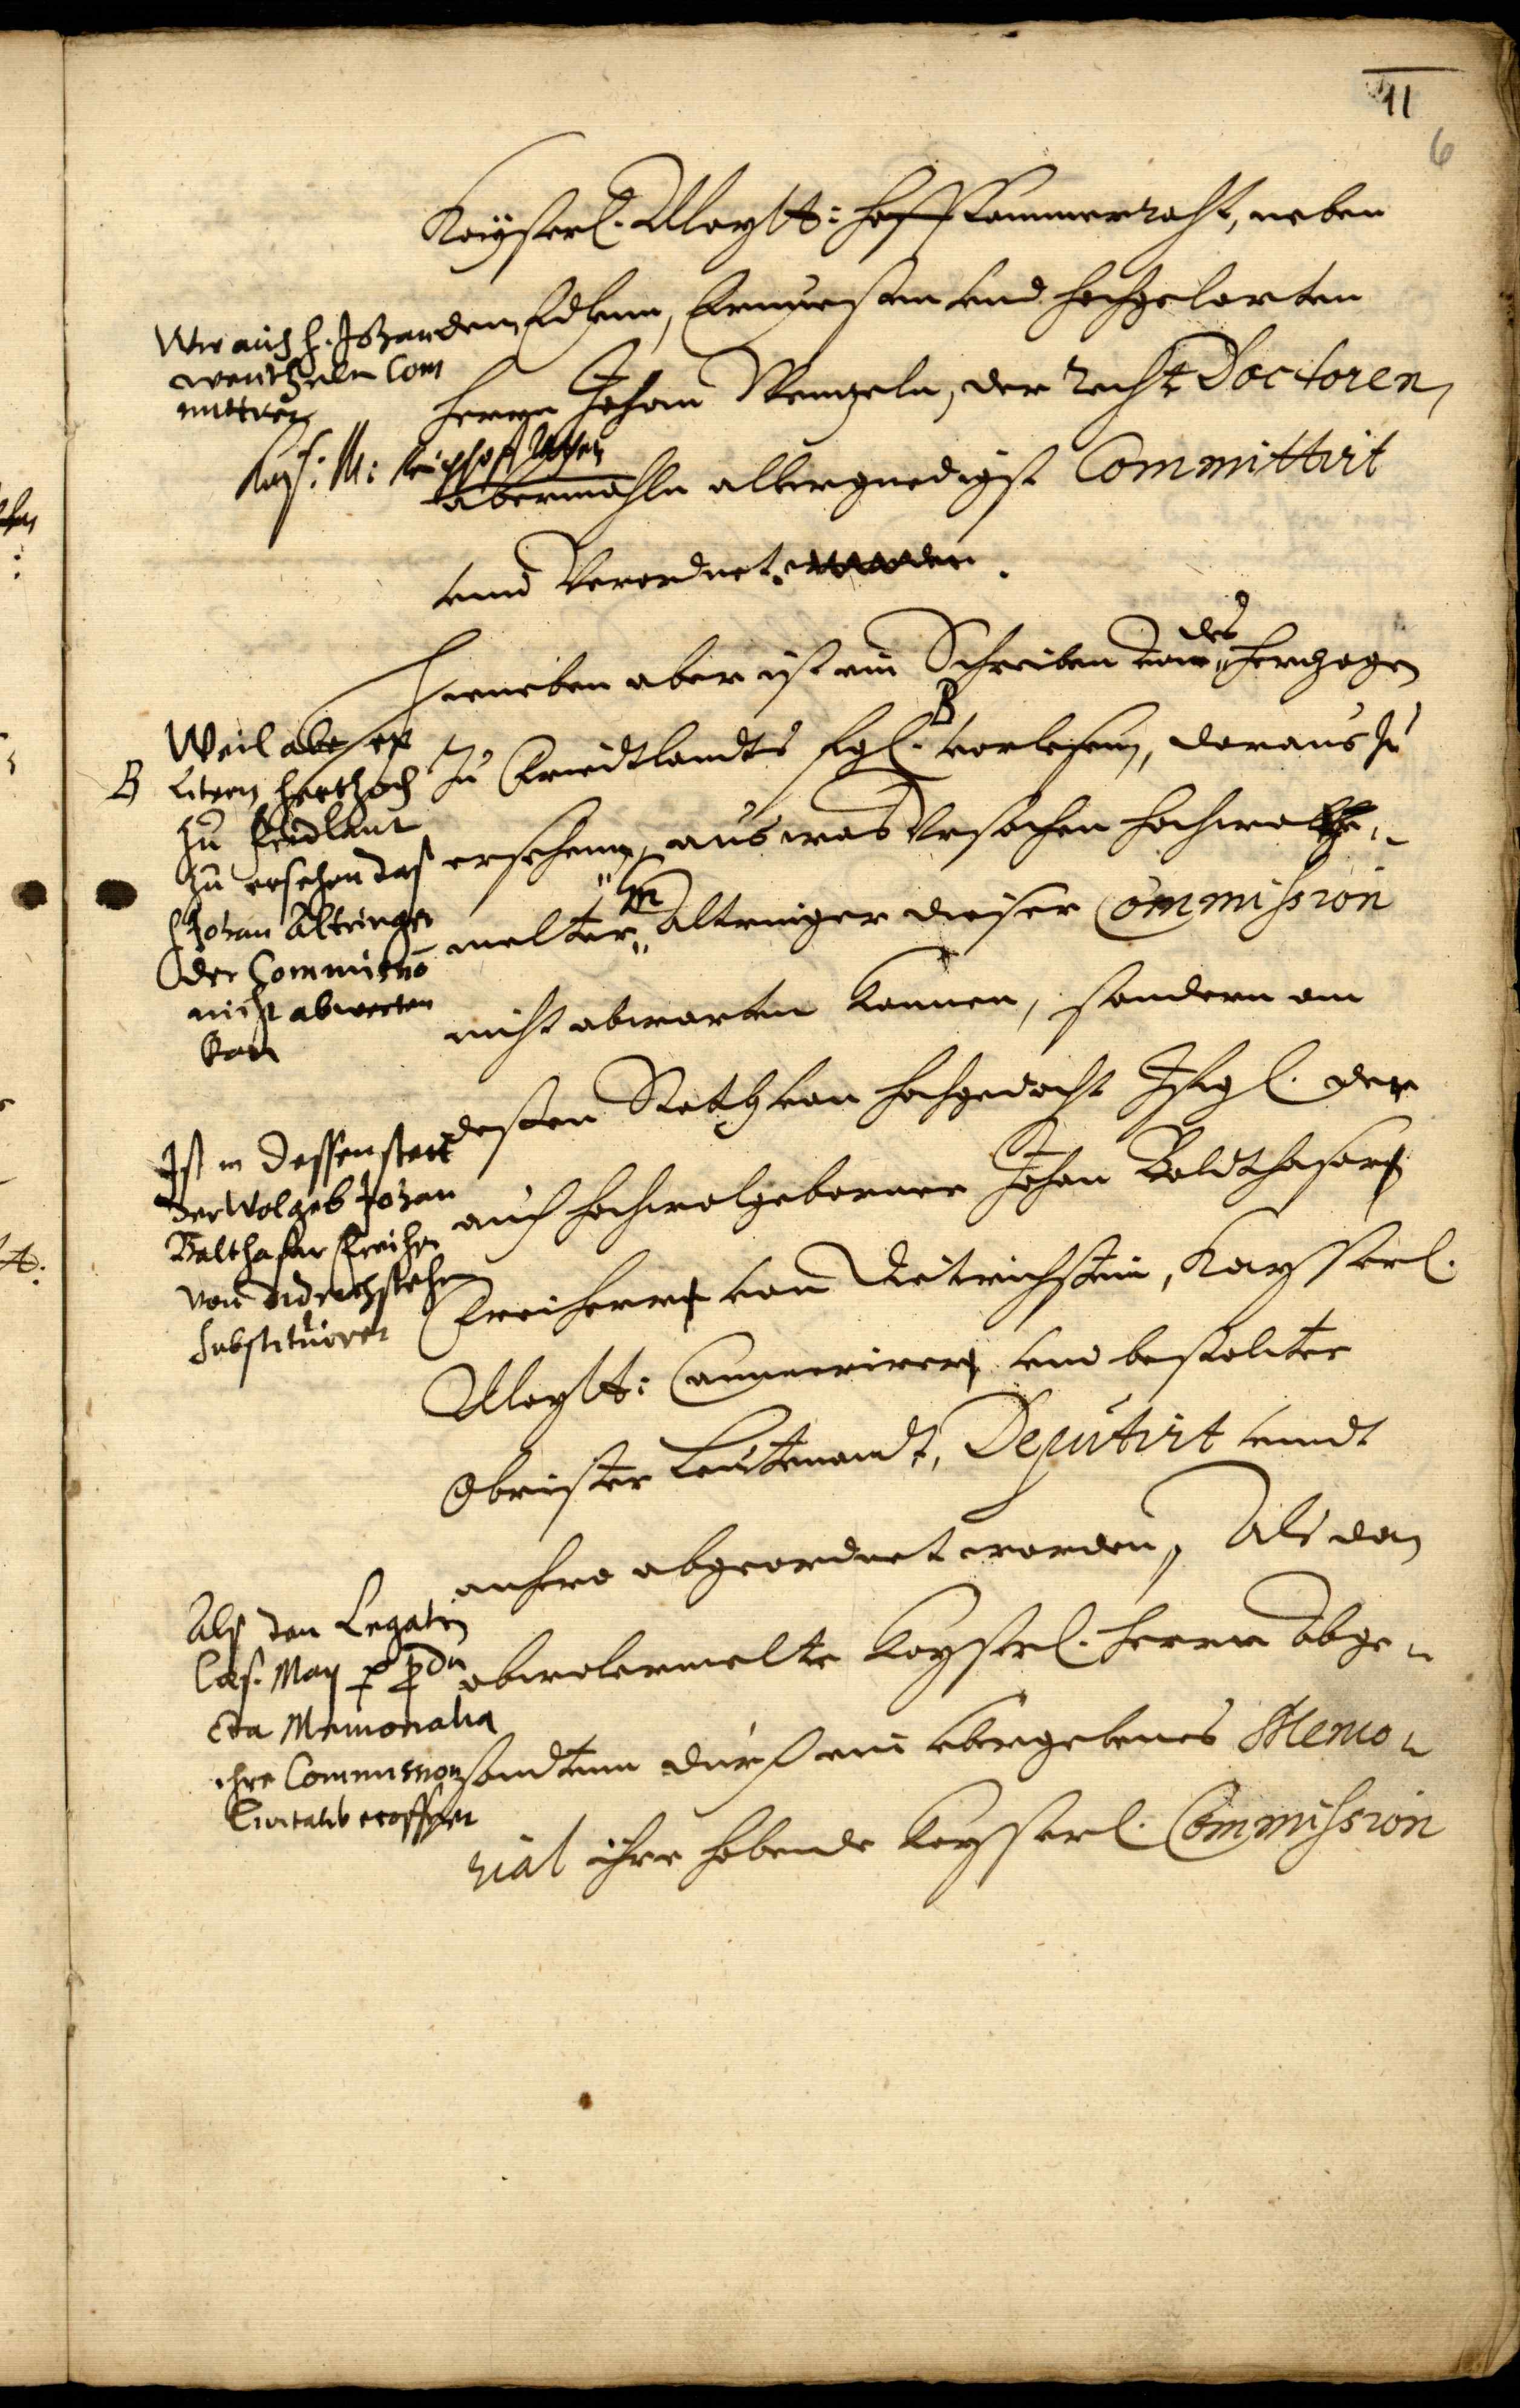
11
Kaijserl. Maijtt: hoffkammerraht, neben
dem Edlenn, Ernuesten vnd hochgelarten
herrn Johan Wentzeln, der rechte Doctoren,
abermahln allergnedigst Committirt
vnnd Verordnet. maden.
Wie aus h. Johan
wentzeln Com
mittirn
keis: M: wi gho A Mitten
Hieneben aber ist ein Schreiben vonn des hertzogen
zu Friedtlandtes fgl. B vorlesenn, doraus zu
ersehenn, aus was vrsachen hochwolge¬
melter her Altringer dieser Commission
nicht abwarten konnen, sondern an
deßen Reth von hochgedacht Ifgl. der
auch hochwolgebornen Johan Baldthasarn
Freiherrn von Dietrichstein, Kayserl.
Maytt: Cammererert vnd beßolter
Obrister Leutenandt, Deputirt vnndt
anhero abgeordnet worden, Als das
obwolermelte Kayserl. herrn Abge¬
sandtenn durh ein vbergebenes Memo¬
rial ihre habende Keyßerl. Commission
Weil aber ex
B litern hertzoch
zu Fridlant
zu ersehen daß
H Johan Altringer
der Commission
nicht abwerten
kan
Ist in dessen stett
der Wolgeb Johan
Balthasar Freiher
von Didrichstehn
substituiret
Als dan Legaten
Caes. May s pro dn
Era Memorialia
ihre Commussion
Eintaths eroffnet
